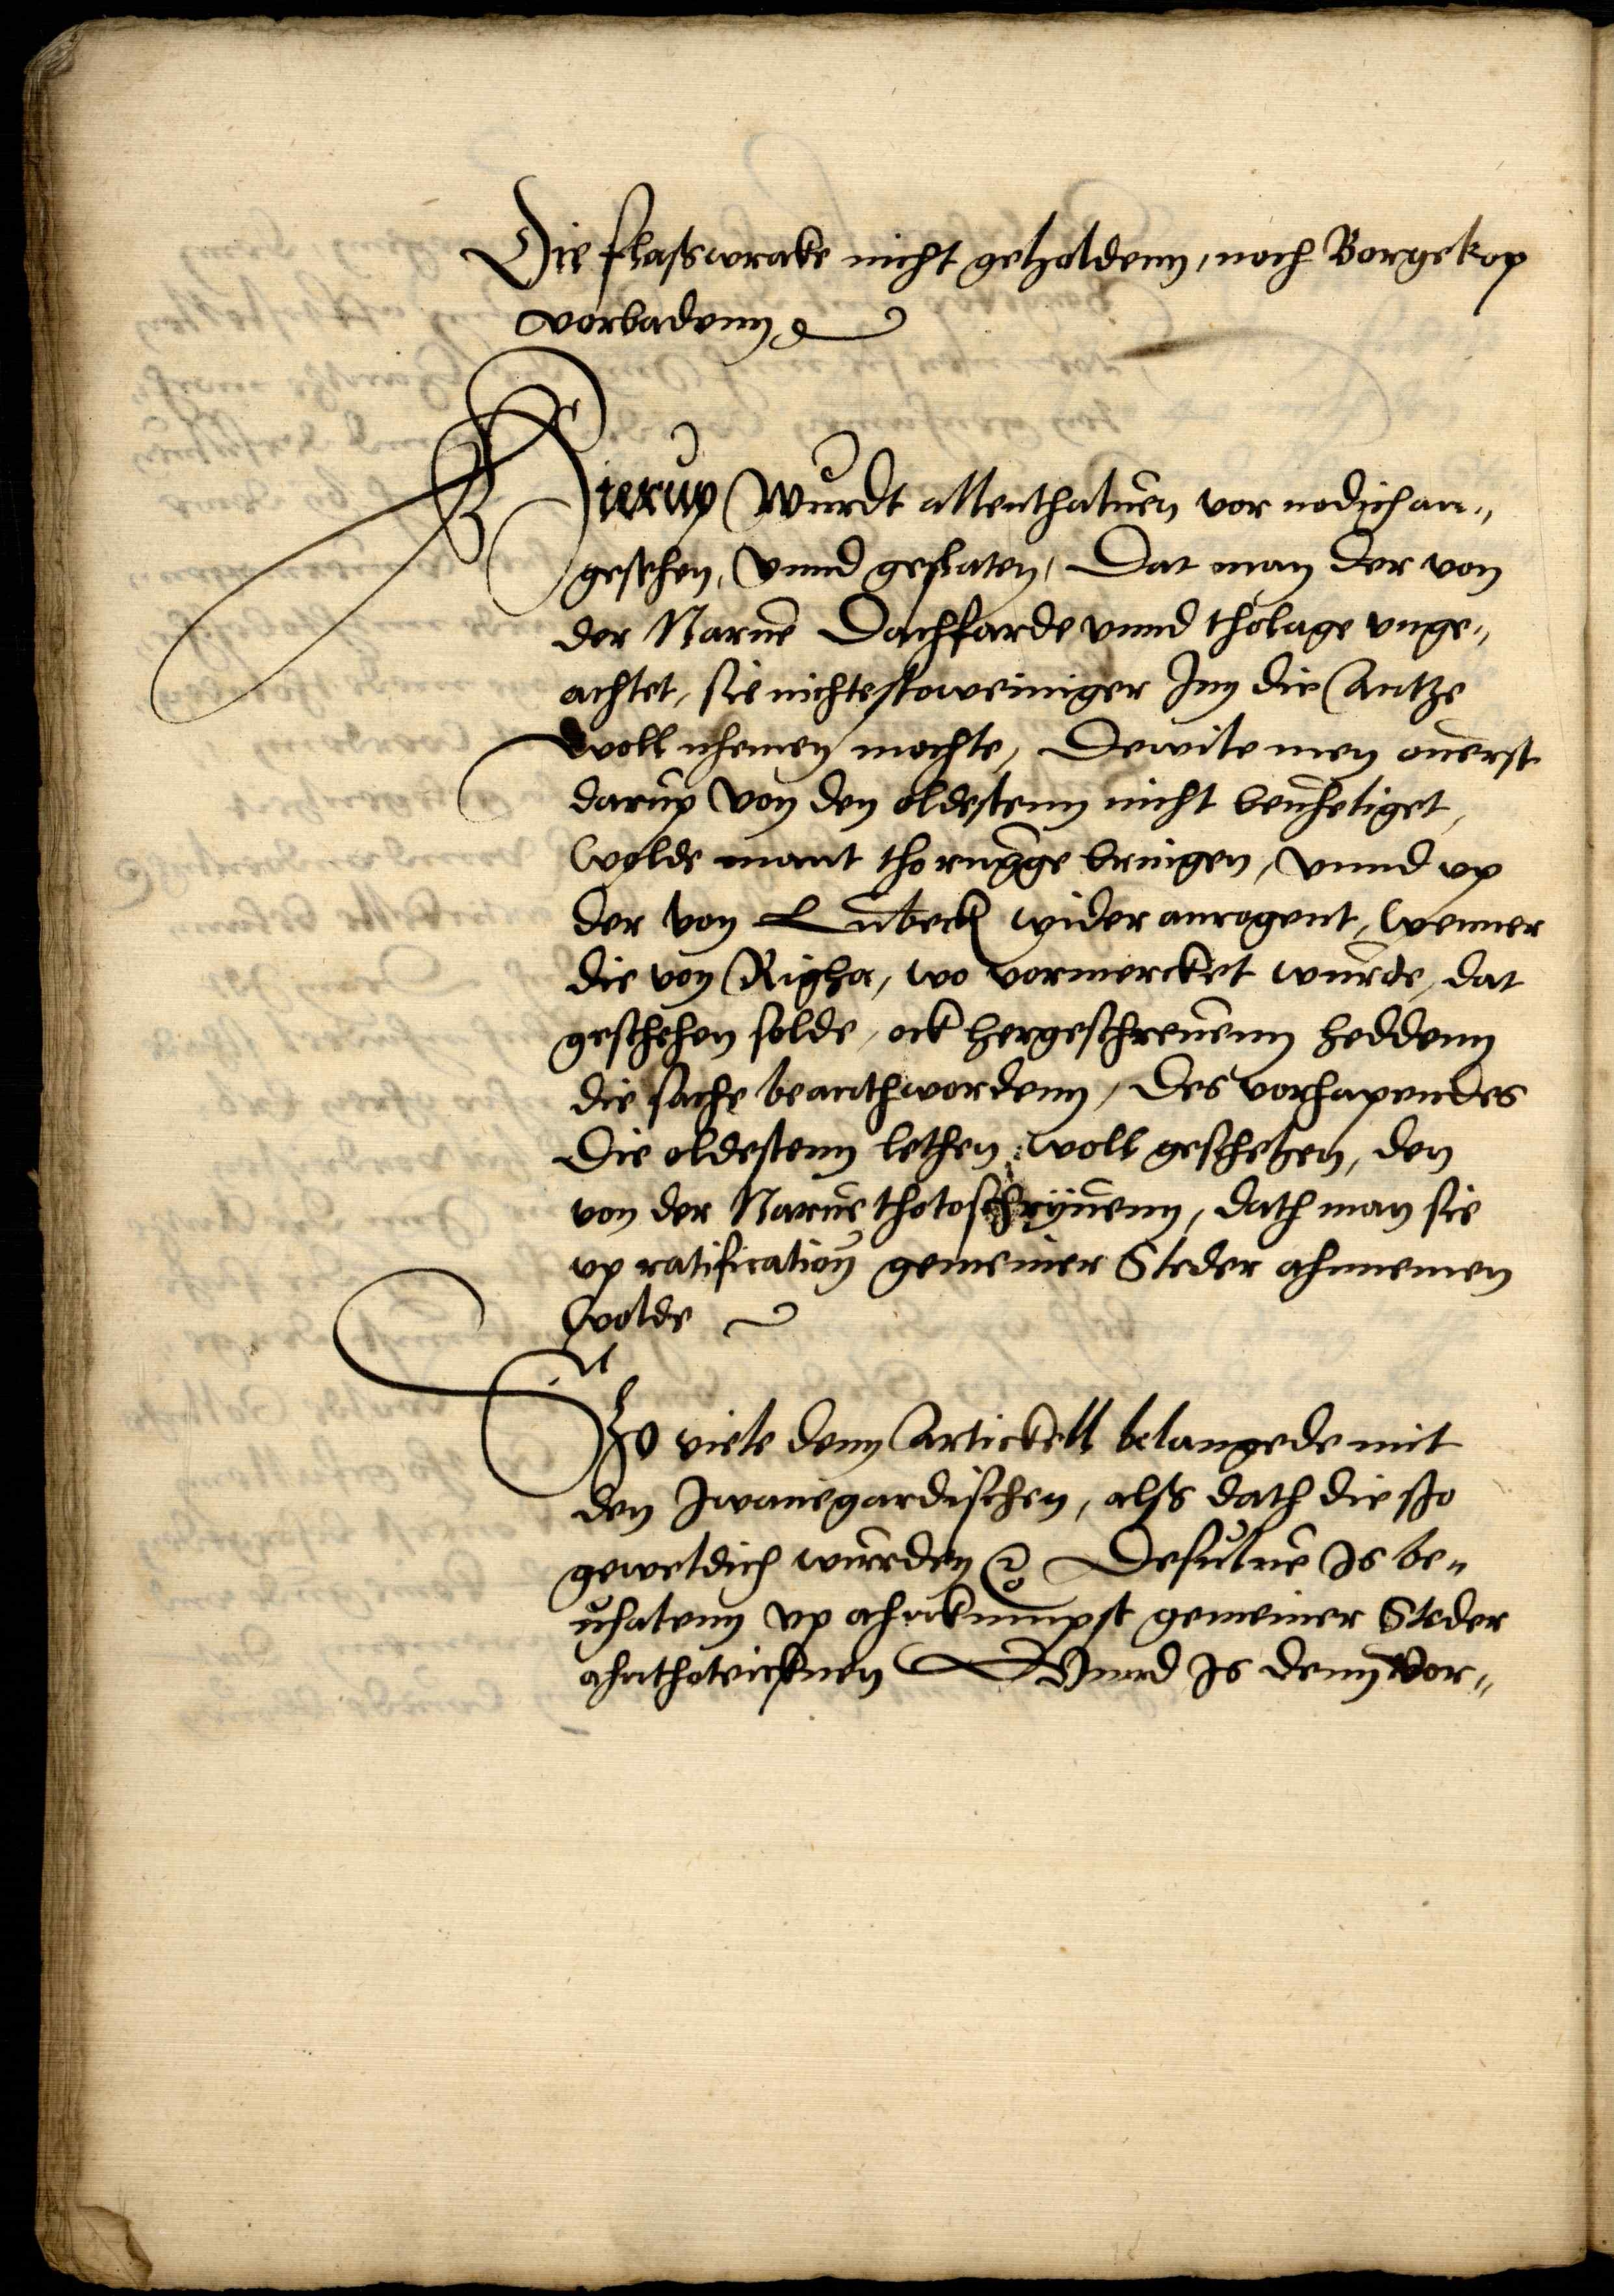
Die flaßwrake nicht geholdenn, noch Borgekop
vorbadenn p
Hierup wurdt allenthaluen vor nodich an¬
gesehen, vnnd geslaten, Dat man der von
der Narue Dachfarde vnnd tholage vnge¬
achtet, sie nichtestoweiniger Inn die Antze
woll nhemen mochte, Dewile man ouerst
darup von den oldestenn nicht beuheliget,
wolde mant tho rugge bringen, vnnd vp
der von Lubeck wider anrogent, wenner
die von Righa, wo vormercket wurde, dat
geschehen solde, ock hergeschreuenn heddenn
die sache beanthwordenn, Des vorhapendes
Die oldesten lethen: woll geschehen, den
von der Narue thotoschrijuenn, dath man sie
vp ratification gemeiner Steder ahnnemen
wolde
Szo viele denn Artickell belangede mit
den Iwanegardischen, alß dath die ßo
geweldich wurden etc, Desulue Is be¬
uhalenn vp ahnkumpst gemeiner Steder
ahnthoteicknen Vndd Is denn Vor¬
